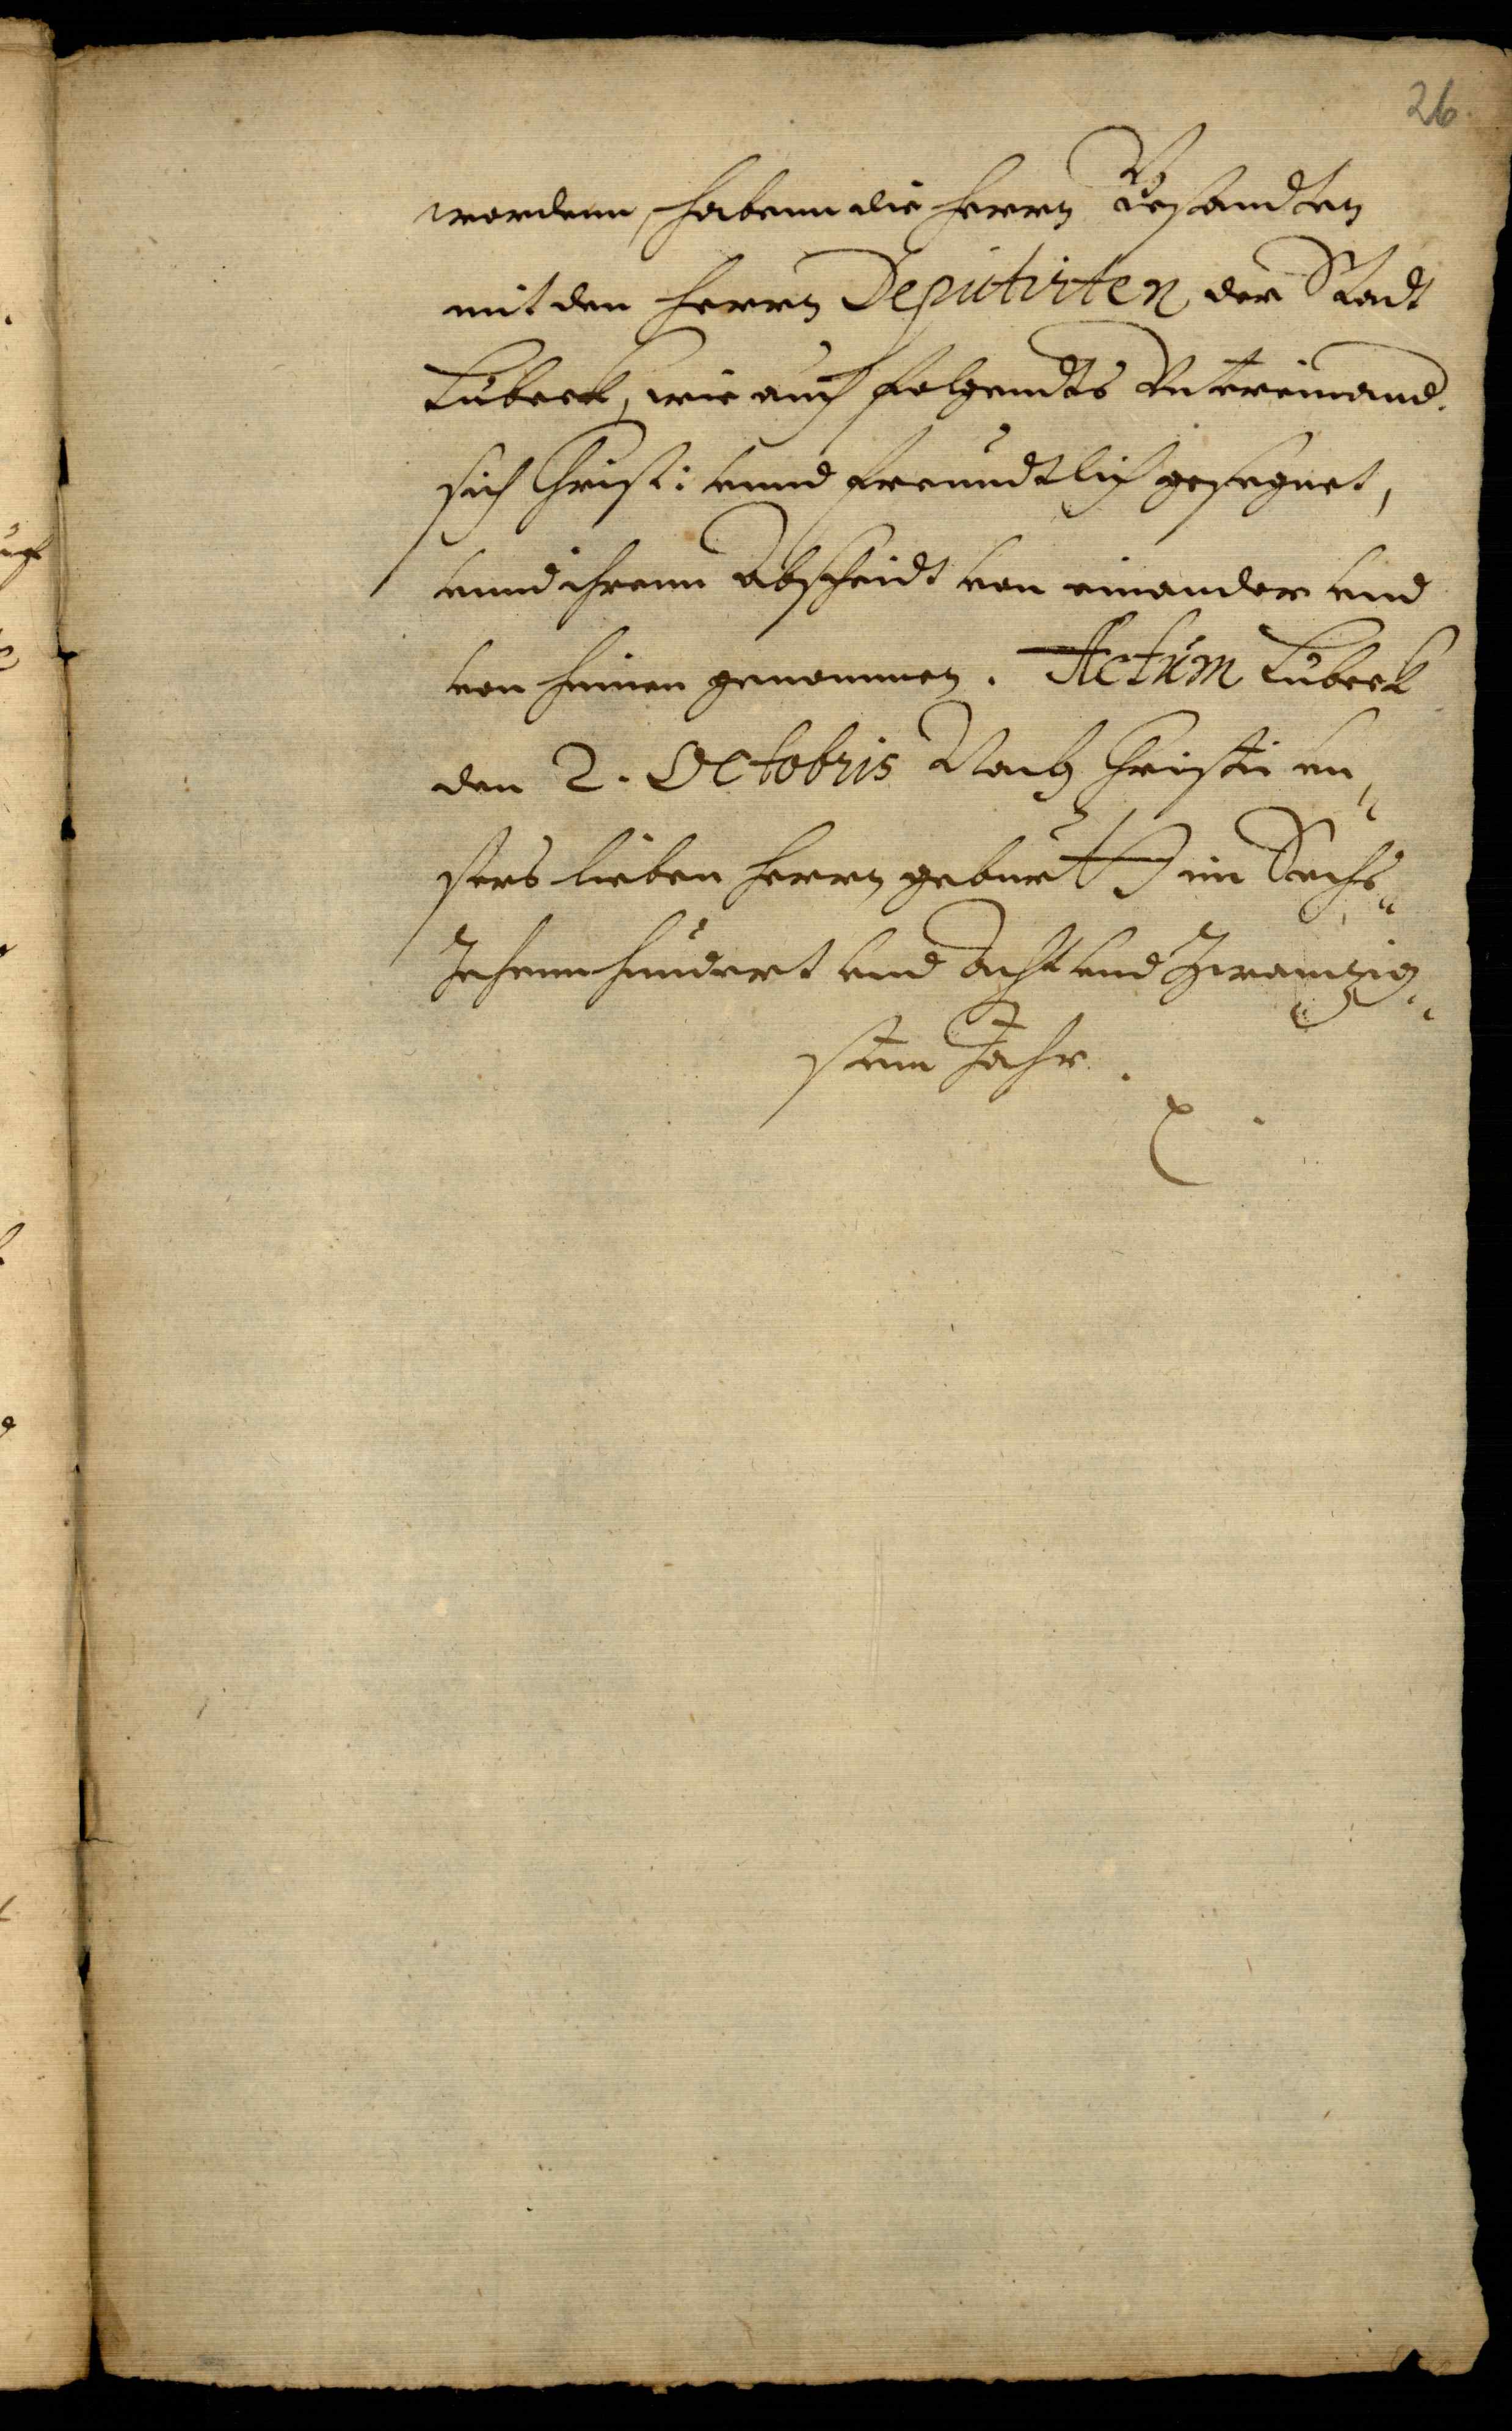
wordenn, habenn die herrn Gesandten
mit den herrn Deputirten der Stadt
Lubeck, wie auch folgendts Vntereinander
sich Christ: vnnd freundtlich gesegnet,
vnnd ihrenn Abscheidt von einander vnd
von hinnen genommen. Actum Lubeck
den 2. Octobris Nach Christi vn¬
sers lieben herrn geburtt im Sechs¬
zehennhundert vnd Acht vnd Zwanzig¬
sten Jahr.
p.
